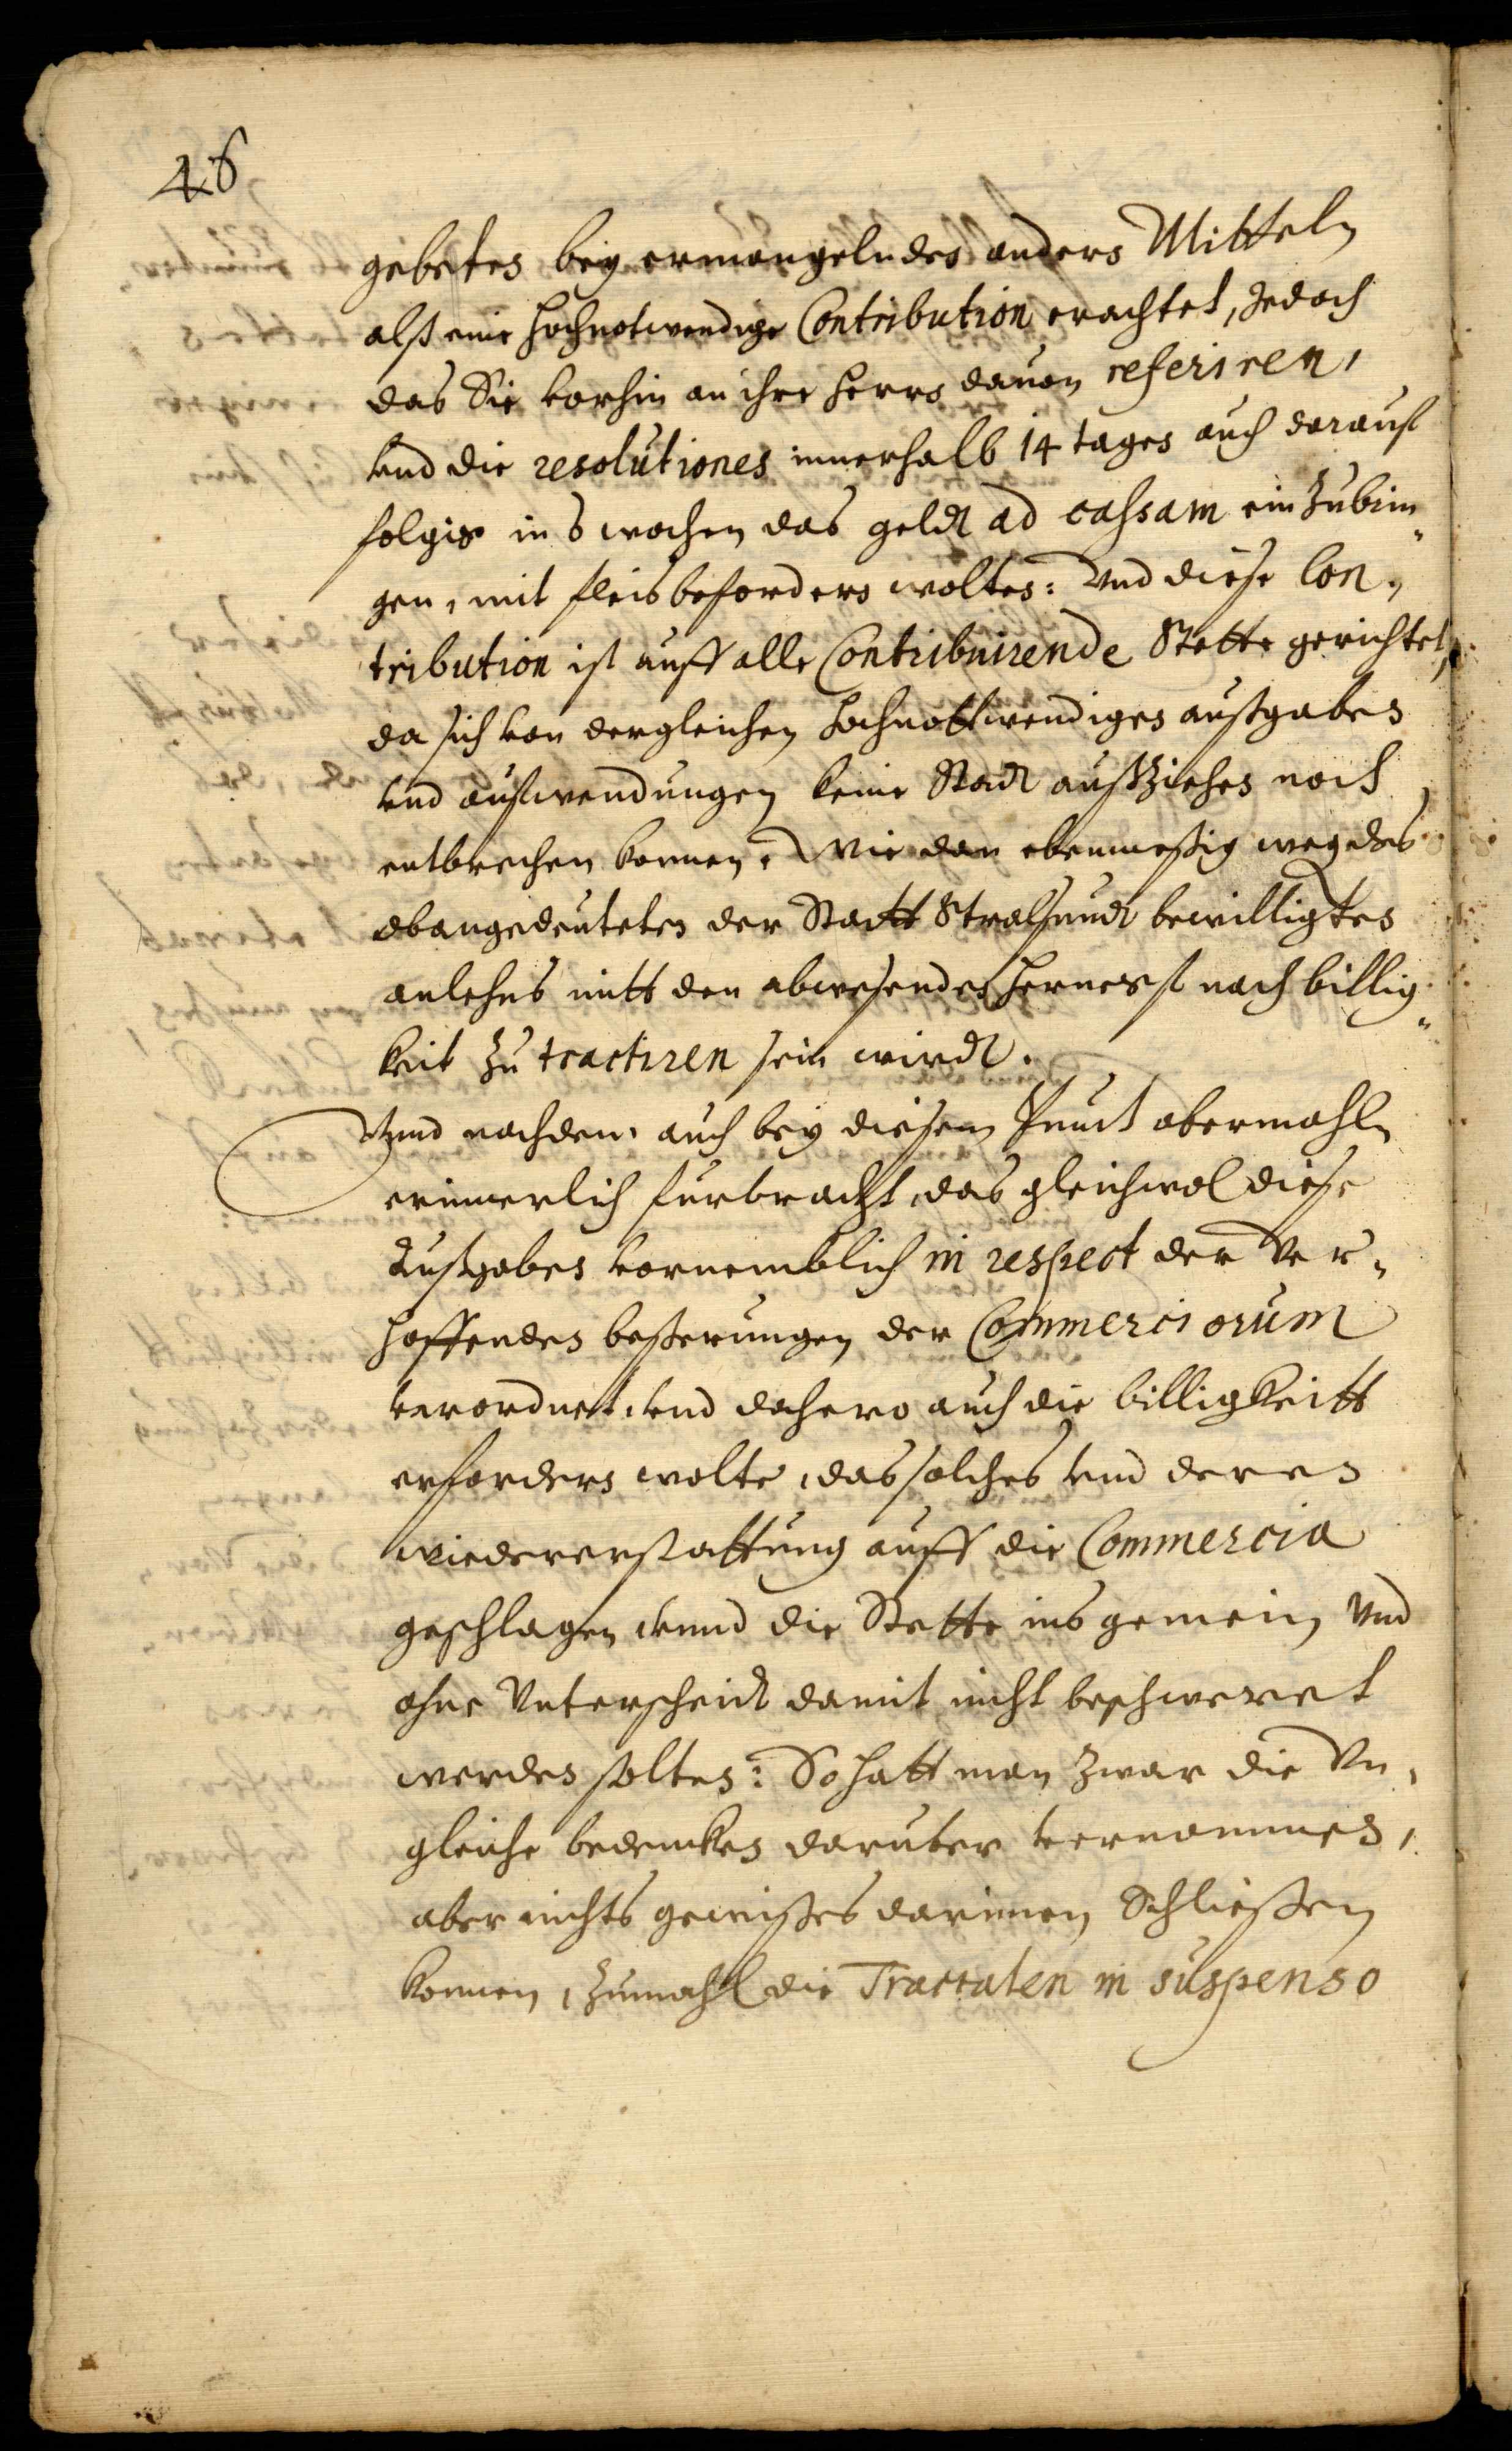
46
gebeten bey ermangeln den andern Mitteln,
alß eine hochnotwendige Contribution erachtet, jedoch
das Sie vorhin an ihre herrn dauon referiren,
vnd die resolutiones innerhalb 14 tagen auch darauf
folgig in 6 wochen das geldt ad cassam einzubrin¬
gen, mit fleis befordern wolten: Vnd diese Con¬
tribution ist auff alle Contribuirende Stette gerichtet,
da sich von dergleichen hochnottwendigen außgaben
vnd aufwendungen keine Stadt außziehen noch
entbrechen konnen. Wie dan ebenmeßig wegen des
obangedeuteten der Statt Stralsundt bewilligten
anlehns mittt den abwesenden hern erst nach billig¬
keit zu tractiren sein wirdt.
Vnnd nachdem auch bey diesem Punct abermahln
erinnerlich furbracht, das gleichwol diese
Außgaben vornemblich in respect der ver¬
hoffenden beßerungen der Commerciorum
verordnet, vnd dahero auch die billigkeitt
erfordern wolte, das solches vnd deren
wiedererstattung auff die Commercia
geschlagen vnnd die Stette insgemein vnd
ohne Vnterscheidt damit nicht beschweret
werden solten: So hatt man zwar die Vn¬
gleiche bedencken daruber vernommen,
aber nichts gewißes darinnen Schließen
konnen, zumahl die Tractaten in suspenso
